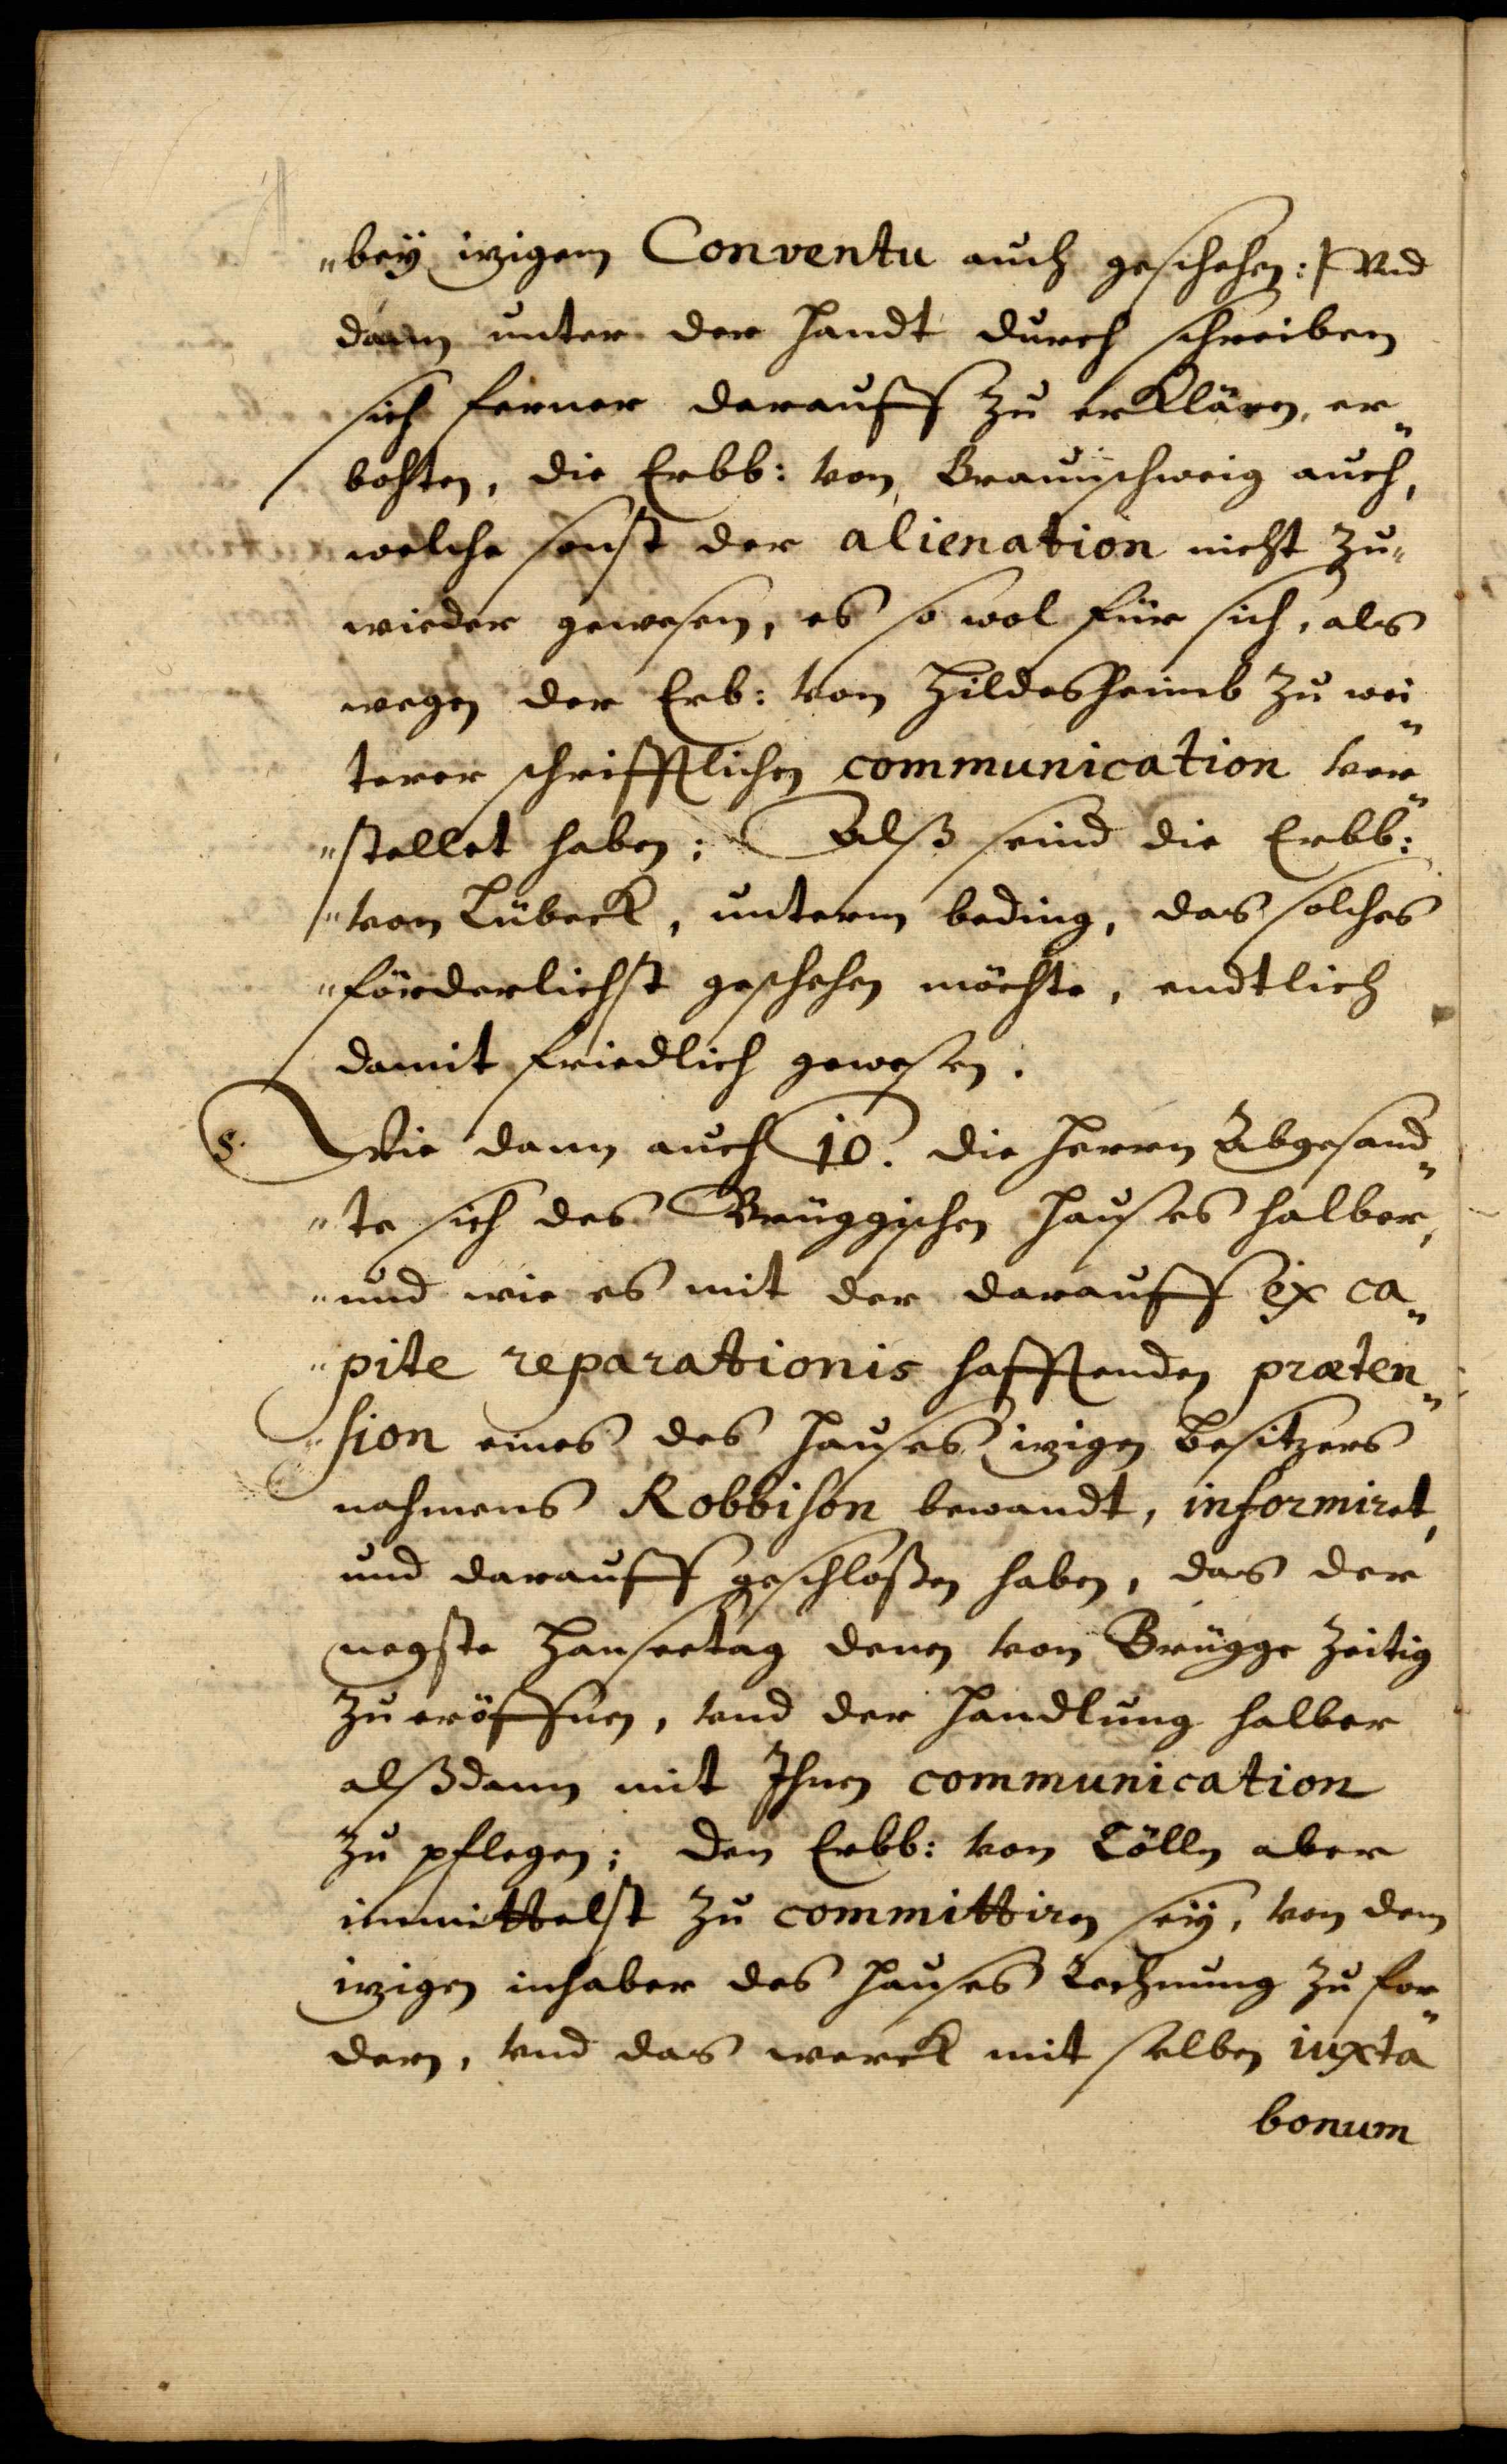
beij itzigem Conventu auch geschehen :| vnd
dann unter der Handt durch schreiben
sich ferner darauff zu erklären, er¬
bohten, die Erbb: von Braunschweig auch,
welche sonst der alienation nicht zu¬
wieder gewesen, es so wol für sich, als
wegen der Erb: von Hildesheimb zu wei¬
terer schriftlichen communication ver¬
stellet haben; Alß seind die Erbb:
von Lübeck, unterm beding, das solches
förderlichst geschehen möchte, endtlich
damit friedlich gewesen.
Wie dann auch 10. die Herrn Abgesand¬
te sich des Brüggischen Hauses halber,
und wie es mit der darauff ex ca¬
pite reparationis hafftenden praeten¬
sion eines des Hauses itzigen Besitzers
nahmens Robbison bewandt, informiret,
und darauff geschloßen haben, das der
negste Hanseetag denen von Brügge zeitig
zu eröffnen, und der Handlung halber
alßdann mit Ihnen communication
zu pflegen; den Erbb: von Cölln aber
immittelst zu committiren seij, von dem
itzigen inhaber des Hauses Rechnung zu for¬
dern, vnd das werck mit selben iuxta
bonum
